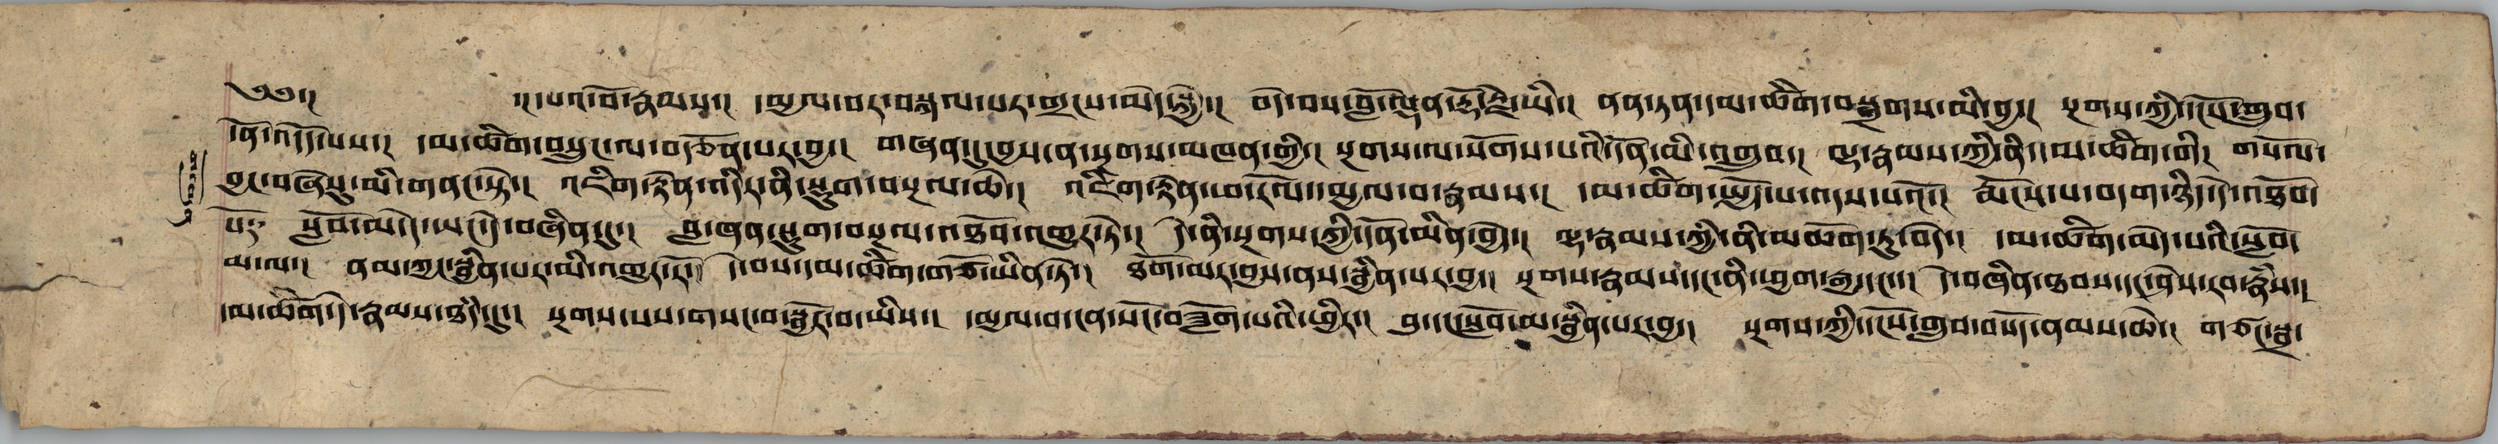༄༅་། ་།དཔའ་བོ་རྣམས་། དམྱལ་བར་བསྐལ་པར་གྲངས་མེད་སྐྱེ་། བདེ་བས་བློ་ལྡན་རྡོ་རྗེ་ཡི་། ནན་ཏན་དམ་ཚིག་བསྒྲགས་མི་བྱ་། སྔགས་ཀྱི་དངོས་གྲུབ་
དོན་འདོད་པས་། དམ་ཚིག་བསྲུང་ལ་བརྩོན་པར་བྱ་། གཞན་དུ་བྱས་ན་སྔགས་མཁན་གྱི་། སྔགས་ལ་སོགས་པའི་དོན་མི་འགྲུབ་། ལྷ་རྣམས་ཀྱི་ནི་དམ་ཚིག་གི། གསོལ་
བྱང་བཞེསུ་མི་གནང་སྟེ་། འཇིག་རྟེན་འདིར་ནི་སྡུག་བསྔལ་ཆེ་། འཇིག་རྟེན་ཕ་རོལ་དམྱལ་བ་རྣམས་། དམ་ཚིག་སྤྱོད་པ་འདས་པའོ་། རྨོངས་པ་བདག་ཉིད་དེ་འཐོབ་
སོ༑ སློབ་མ་དེ་ཡང་དེ་བཞིན་དུ་། བླ་ཞན་སྡུག་བསྔལ་འཐོབ་འགྱུར་ཏེ་། དེ་ནི་སྔགས་ཀྱི་དོན་མིན་བྱེད་། ལྷ་རྣམས་ཀྱི་ནི་མཆོག་ཏུ་བདེ་། དམ་ཚིག་མེད་པའི་སློབ་
མ་ལ་། ནམ་ཀྱང་སྦྱིན་པར་མ་འགྱུར་རོ་། དེ་བས་དམ་ཚིག་གཙོ་ཡིན་ཏེ་། ཐོག་མར་བྱས་ནས་སྦྱིན་པར་བྱ་། སྔགས་རྣམས་དང་ནི་ཕྱག་རྒྱ་དང་་། དེ་བཞིན་ཐབས་དང་ཤེས་རབ་རྣཾས་།
དམ་ཚིག་དེ་རྣམས་ཐདཾ་དུ་། སྔགས་པས་གསང་བ་སྦྱོར་བ་ཡིས་། དམྱལ་བ་ངན་སོང་བཟློག་པའི་ཕྱིར་། བུ་དང་སློབ་མ་སྦྱིན་པར་བྱ་། སྔགས་ཀྱི་དངོས་གྲུབ་བསོད་ནམས་ཆེ་། གཙང་སྦྲ་